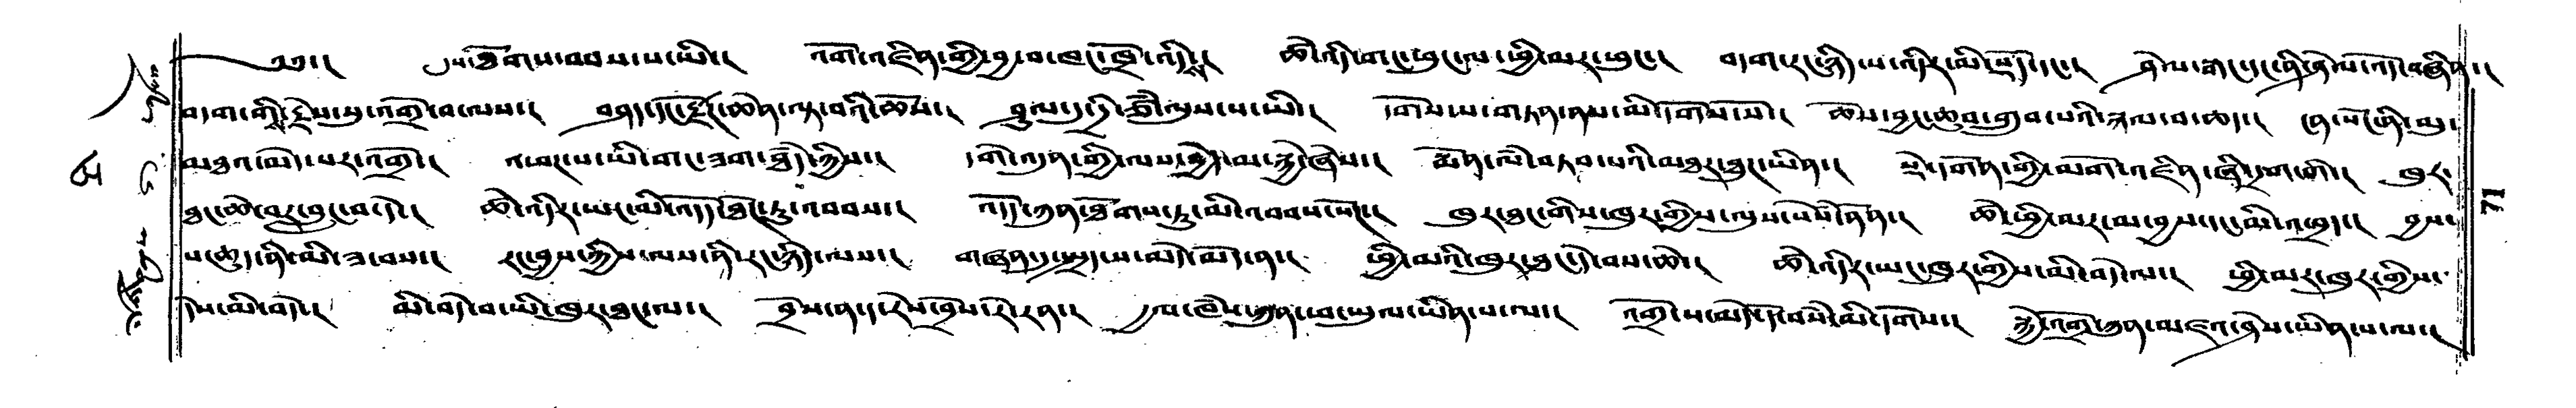དུས་ཐོག་བབས་པ་ཡིན། །འགོ་འཛིན་གྱི་བྱ་བ་ཁོང་ཁྲོ་འདིས། །ཚེ་འདི་གང་ཕུང་ལ་ཕྱི་མར་ཕུང་། །བདག་རང་ཉིད་ས་འདིར་མི་སྡོད་དང་། །ཤེལ་སྒོང་དང་ནི་ཤེལ་འོད་བཞིན། །
བདག་གིས་རྗེས་སུ་འགྲོ་བ་ལས། །བཤད་དང་རྫོགས་ཆེན་ལྟ་བའི་ཆོས། །ཤུལ་དུ་དྲི་ཙམ་ལུས་པ་ཡི། །དགོས་པ་གཏན་ནས་མི་དགོས་སོ། །ཆོས་བྱང་ཆུབ་གྲུབ་པའི་སྐལ་བ་ཆད། །ངན་སོང་ནི་མུ་
མཐའ་མེད་པར་འགྲོ། །འཕགས་པ་ཡི་གང་ཟག་ཐམས་ཅད་ཀྱིས། །དགེ་འདུན་གྱི་ལས་བྱེད་མ་སྐྱེ་ཞེས། །སྨོན་ལམ་བཏབ་པའི་མཐར་ཐུག་ཡིན། །སྡེ་དགོན་གྱི་མགོ་འཛིན་ཞི་དྲག་གི ཁུར་
ཐང་ཆེ་བར་བླང་བ་དེ། །ཚེ་འདིར་ཡང་མི་འདོད་ཐོག་ཏུ་འབབ། །འདོད་ཀུན་ཐོག་ཏུ་མི་འབབ་སོགས། ཁུར་ཐང་གིས་ཁུར་གྱིས་ལུས་སེམས་ནོན། །ཚེ་ཕྱི་མར་མ་བྱས་དང་མི་འཕྲད། །བྱས་
པ་ཆུད་ནི་མི་ཟ་བས། །རང་བྱས་ཀྱིས་ལས་ནི་རང་ཉིད་ལས། གཞན་དུ་སྤྲད་པ་མེད་མོད་ན། །ཕྱི་མའི་ཁུར་ཐང་དེ་བས་ཆེ། །ཚེ་འདིར་ཡང་ཁུར་གྱིས་མི་བདེ་ལ། །ཕྱི་མར་ཁུར་གྱིས་
དེས་མི་བདེ། །མི་བདེ་བ་ཡི་ཁུར་ཐང་ལ། །བྲོས་ན་ད་རེས་བྲོས་རེ་རན། །རྒྱལ་ཁམས་ཀུན་ཕ་ཡུལ་ཡིན་པ་ལ། །འགྲོ་ས་མེད་དོ་བསམ་མི་དགོས། །སྐྱེ་འགྲོ་ཀུན་མཛའ་ཤེས་ཡིན་པ་ལ།